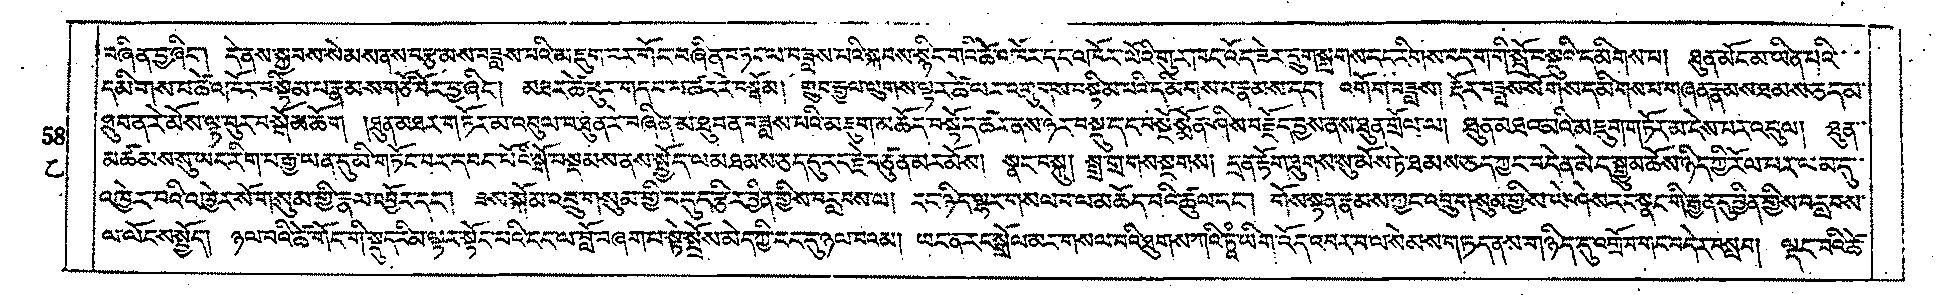བཞིན་བྱ་ཞིང་། དེ་ནས་སྐྱབས་སེམས་ནས་བརྩམས་བཟླས་པའི་མཇུག་བར་གོང་བཞིན་བཏང་ལ་བཟླས་པའི་སྐབས་སྙིང་གའི་ཆོ་འཁོར་དང་འཁོར་ལོའི་གུར་ཁང་འོད་ཟེར་དྲུག་སྒྲགས་དང་རིགས་བདག་གི་སྤྲོ་བསྡུའི་དམིགས་པ། ཐུན་མོང་མ་ཡིན་པའི་་་
དམིགས་པ་ཚེ་འཁོར་བསྟིམ་པ་རྣམས་གཙོ་བོར་བྱ་ཞིང་། མཐར་ཚེ་ཕུར་གདབ་པ་ཚར་རེ་བསྒོམ། གྲུབ་རྒྱལ་ལུགས་ལྟར་ཚེ་ཡར་འགུགས་བསྟིམ་པའི་དམིགས་པ་རྣམས་དང་། འགོག་བཟླས། རྡོར་བཟླས་སོགས་དམིགས་པ་གཞན་རྣམས་ཐམས་ཅད་མ་
ཐུབ་ན་རེ་མོས་ལྟ་བུར་བསྒོམ་ཆོག །ཐུན་མཐར་གཏོར་མ་འབུལ་བ་ཐུན་རེ་བཞིན་མ་ཐུབ་ན་བཟླས་པའི་མཇུག་མཆོད་བསྟོད་ཚར་ནས་ཉེར་བསྡུ་དང་བསྔོ་སྨོན་ཤིས་བརྗོད་བྱས་ནས་ཐུན་གྲོལ་ལ། ཐུན་མཐའ་མའི་མཇུག་གཏོར་མ་ངེས་པར་འབུལ། ཐུན་་་
མཚམས་སུ་ཡང་རིག་པ་རྒྱ་ཡན་དུ་མི་གཏོང་བར་དབང་པོའི་སྒོ་བསྡམས་ནས་སྤྱོད་ལམ་ཐམས་ཅད་དུ་རང་རྗེ་བཙུན་མར་མོས། སྣང་བ་སྐུ། སྒྲ་གྲགས་སྔགས། དྲན་རྟོག་ཐུགས་སུ་མོས་ཏེ་ཐམས་ཅད་ཀྱང་བདེན་མེད་སྒྱུ་མ་ཆོས་ཉིད་ཀྱི་རོལ་པར་ལམ་དུ་་་
འཁྱེར་བའི་འཁྱེར་སོ་གསུམ་གྱི་རྣལ་འབྱོར་དང་། ཟས་སྐོམ་འབྲུ་གསུམ་གྱི་བདུད་རྩིར་བྱིན་གྱིས་བརླབས་ལ། རང་ཉིད་ལྷར་གསལ་བ་ལ་མཆོད་པའི་ཚུལ་དང་། གོས་སྟན་རྣམས་ཀྱང་འབྲུ་གསུམ་གྱིས་ཡེ་ཤེས་རང་སྣང་གི་རྒྱན་དུ་བྱིན་གྱིས་བརླབས་
ལ་ལོངས་སྤྱོད། ཉལ་བའི་ཚེ་གོང་གི་སྡུད་རིམ་ལྟར་སྟོང་བའི་ངང་ལ་བློ་བཞག་པ་སྟེ་སྤྲོས་མེད་ཀྱི་ནང་དུ་ཉལ་བའམ། ཡང་ན་རང་སྒྲོལ་མར་གསལ་བའི་ཐུགས་ཀའི་ཏཱཾ་ཡིག་འོད་འབར་བ་ལ་སེམས་གཏད་ནས་གཉིད་དུ་འགྲོ་བ་གང་བདེར་བསླབ། ལྡང་བའི་ཚེ་